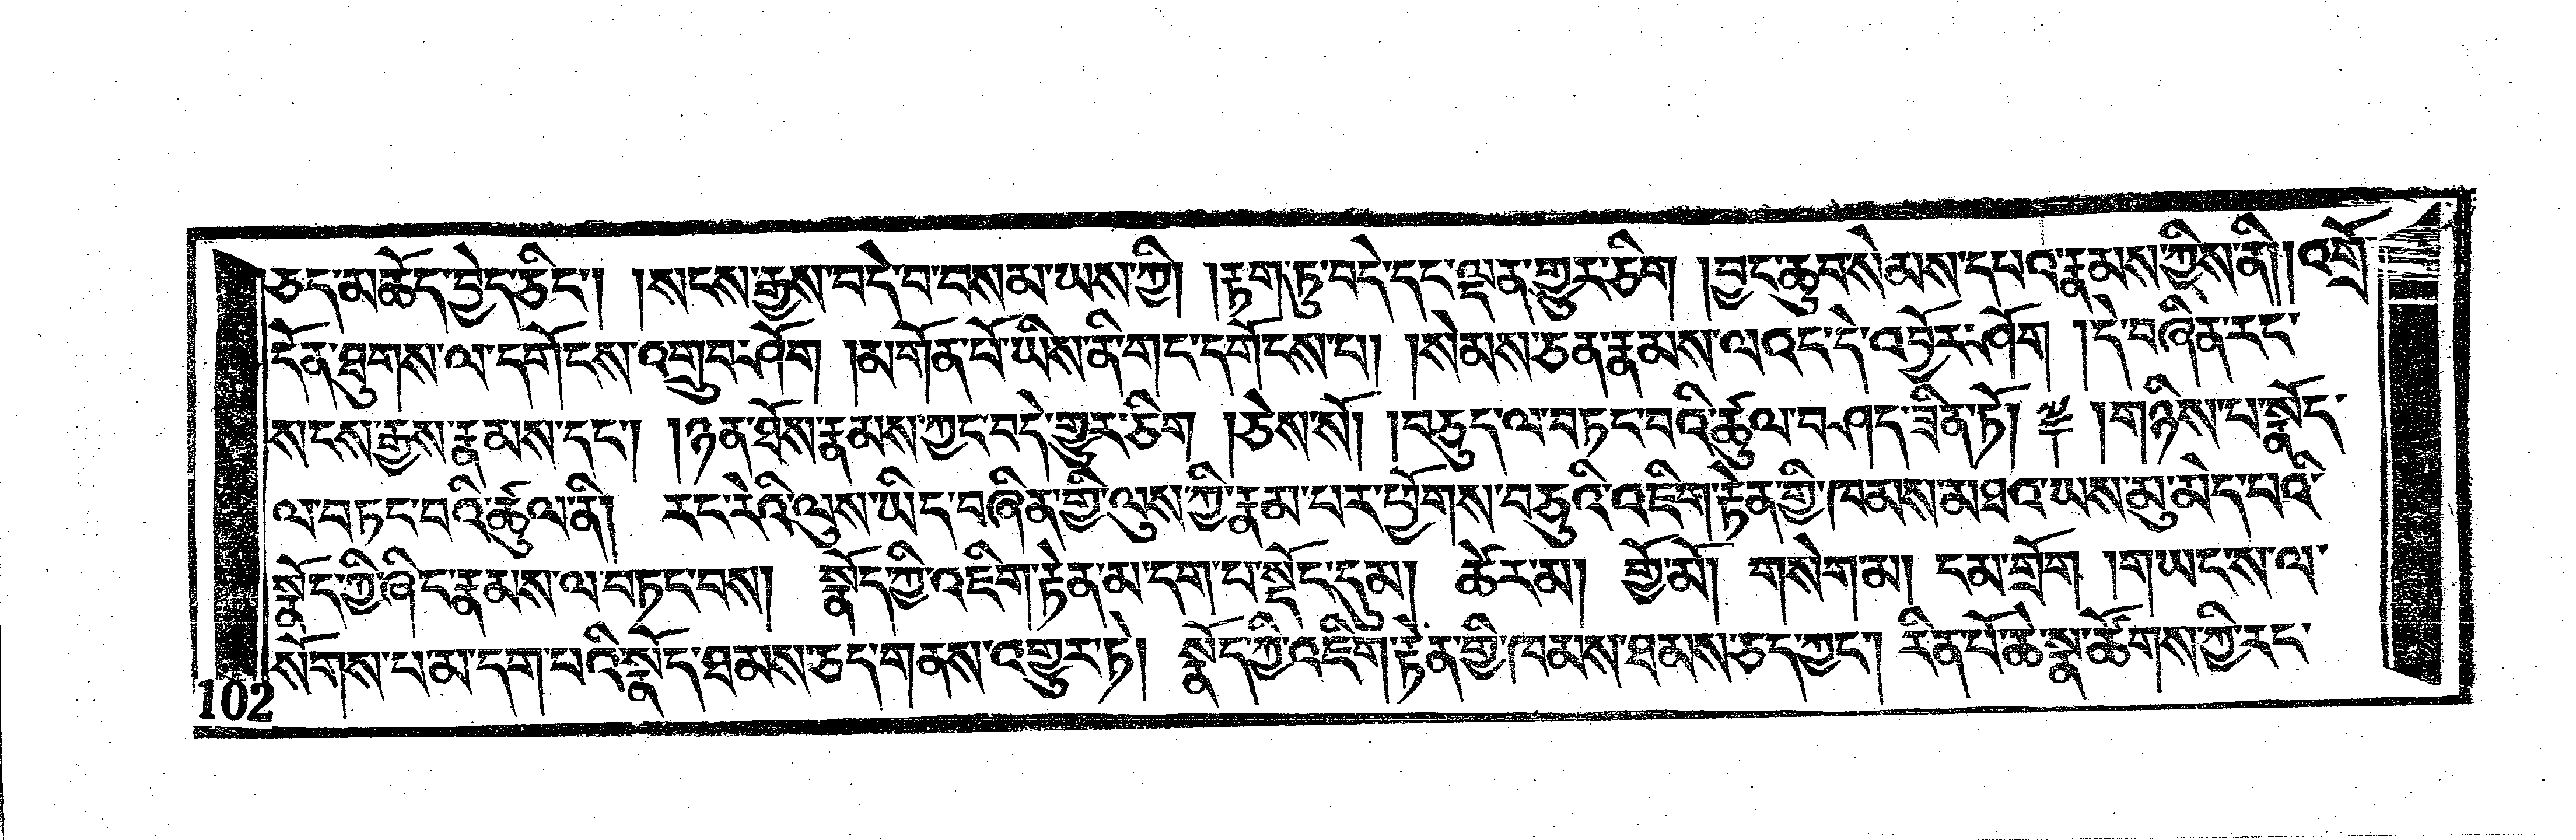ཅད་མཆོད་བྱེད་ཅིང་། །སངས་རྒྱས་བདེ་བ་བསམ་ཡས་ཀྱི། །རྟག་ཏུ་བདེ་དང་ལྡན་གྱུར་ཅིག །བྱང་ཆུབ་སེམས་དཔའ་རྣམས་ཀྱིས་ནི། །འགྲོ་
དོན་ཐུགས་ལ་དགོངས་འགྲུབ་ཤོག །མགོན་པོ་ཡིས་ནི་གང་དགོངས་པ། །སེམས་ཅན་རྣམས་ལའང་དེ་འབྱོར་ཤོག །དེ་བཞིན་རང་
སངས་རྒྱས་རྣམས་དང་། །ཉན་ཐོས་རྣམས་ཀྱང་བདེ་གྱུར་ཅིག །ཅེས་སོ། །བཅུད་ལ་བཏང་བའི་ཚུལ་བཤད་ཟིན་ཏོ། ༈ །གཉིས་པ་སྣོད་
ལ་བཏང་བའི་ཚུལ་ནི། རང་རེའི་ལུས་ཡིད་བཞིན་གྱི་ལུས་ཀྱི་རྣམ་པར་ཕྱོགས་བཅུའི་འཇིག་རྟེན་གྱི་ཁམས་མཐའ་ཡས་མུ་མེད་པའི་
སྣོད་ཀྱི་ཞིང་རྣམས་ལ་བཏང་བས། སྣོད་ཀྱི་འཇིག་རྟེན་མ་དག་པ་སྡོང་དུམ། ཚེར་མ། གྱོ་མོ། གསེག་མ། ངམ་གྲོག །གཡང་ས་ལ་
སོགས་པ་མ་དག་པའི་སྣོད་ཐམས་ཅད་གནས་འགྱུར་ཏེ། སྣོད་ཀྱི་འཇིག་རྟེན་གྱི་ཁམས་ཐམས་ཅད་ཀྱང་། རིན་པོ་ཆེ་སྣ་ཚོགས་ཀྱི་རང་